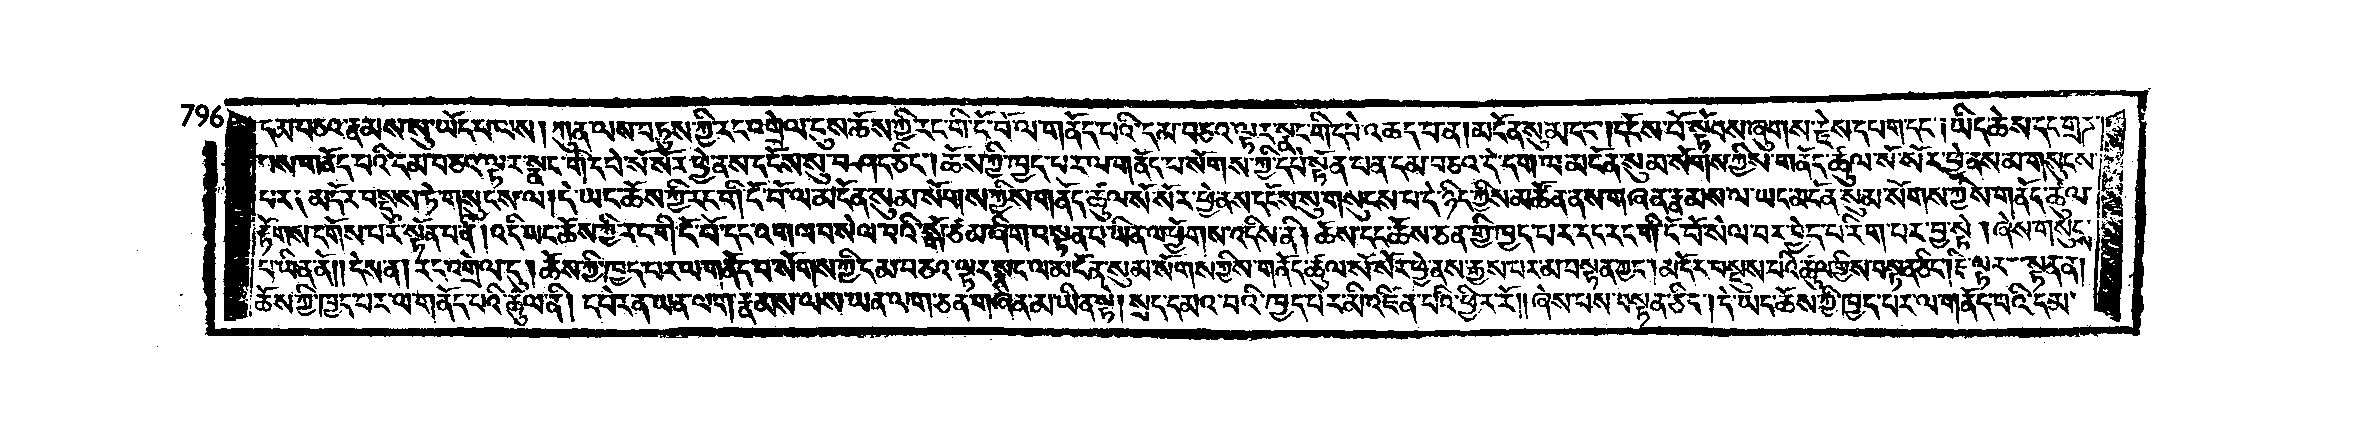དམ་བཅའ་རྣམས་སུ་ཡོད་པ་ལས། ཀུན་ལས་བཏུས་ཀྱི་རང་འགྲེལ་དུས་ཆོས་ཀྱི་རང་གི་ངོ་བོ་ལ་གནོད་པའི་དམ་བཅའ་ལྟར་སྣང་གི་དཔེ་འཆད་པ་ན། མངོན་སུམ་དང་། དངོས་པོ་སྟོབས་ཞུགས་རྗེས་དཔག་དང་། ཡིད་ཆེས་དང་གྲགས་
པས་གནོད་པའི་དམ་བཅའ་ལྟར་སྣང་གི་དཔེ་སོ་སོར་ཕྱེ་ནས་དངོས་སུ་བཤད་ཅིང་། ཆོས་ཀྱི་ཁྱད་པར་ལ་གནོད་པ་སོགས་ཀྱི་དཔེ་སྟོན་པ་ན་དམ་བཅའ་དེ་དག་ལ་མངོན་སུམ་སོགས་ཀྱིས་གནོད་ཚུལ་སོ་སོར་ཕྱེ་ནས་མ་གསུངས་
པར། མདོར་བསྡུས་ཏེ་གསུངས་ལ། དེ་ཡང་ཆོས་ཀྱི་རང་གི་ངོ་བོ་ལ་མངོན་སུམ་སོགས་ཀྱིས་གནོད་ཚུལ་སོ་སོར་ཕྱེ་ནས་དངོས་སུ་གསུངས་པ་དེ་ཉིད་ཀྱིས་མཚོན་ནས་གཞན་རྣམས་ལ་ཡང་མངོན་སུམ་སོགས་ཀྱིས་གནོད་ཚུལ་
རྟོགས་དགོས་པར་སྟོན་པ་ནི། འདི་ཡང་ཆོས་ཀྱི་རང་གི་ངོ་བོ་དང་འགལ་བ་སེལ་བའི་སྒོ་ཙམ་ཞིག་བསྟན་པ་ཡིན་ལ་ཕྱོགས་འདིས་ནི། ཆོས་དང་ཆོས་ཅན་གྱི་ཁྱད་པར་རང་རང་གི་ངོ་བོ་སེལ་བར་བྱེད་པ་རིག་པར་བྱ་སྟེ། ཞེས་གསུངས་
པ་ཡིན་ནོ། །དེས་ན། རང་འགྲེལ་དུ། ཆོས་ཀྱི་ཁྱད་པར་ལ་གནོད་པ་སོགས་ཀྱི་དམ་བཅའ་ལྟར་སྣང་ལ་མངོན་སུམ་སོགས་ཀྱི་གནོད་ཚུལ་སོ་སོར་ཕྱེ་ནས་རྒྱས་པར་མ་བསྟན་ཀྱང་། མདོར་བསྡུས་པའི་ཚུལ་གྱིས་བསྟན་ཅིང་། ཇི་ལྟར་བསྟན་ན།
ཆོས་ཀྱི་ཁྱད་པར་ལ་གནོད་པའི་ཚུལ་ནི། དཔེར་ན་ཡན་ལག་རྣམས་ལས་ཡན་ལག་ཅན་གཞིན་མ་ཡིན་སྟེ། སྲིད་དམའ་བའི་ཁྱད་པར་མི་འཛིན་པའི་ཕྱིར་རོ། །ཞེས་པས་བསྟན་ཅིང་། དེ་ཡང་ཆོས་ཀྱི་ཁྱད་པར་ལ་གནོད་པའི་དམ་